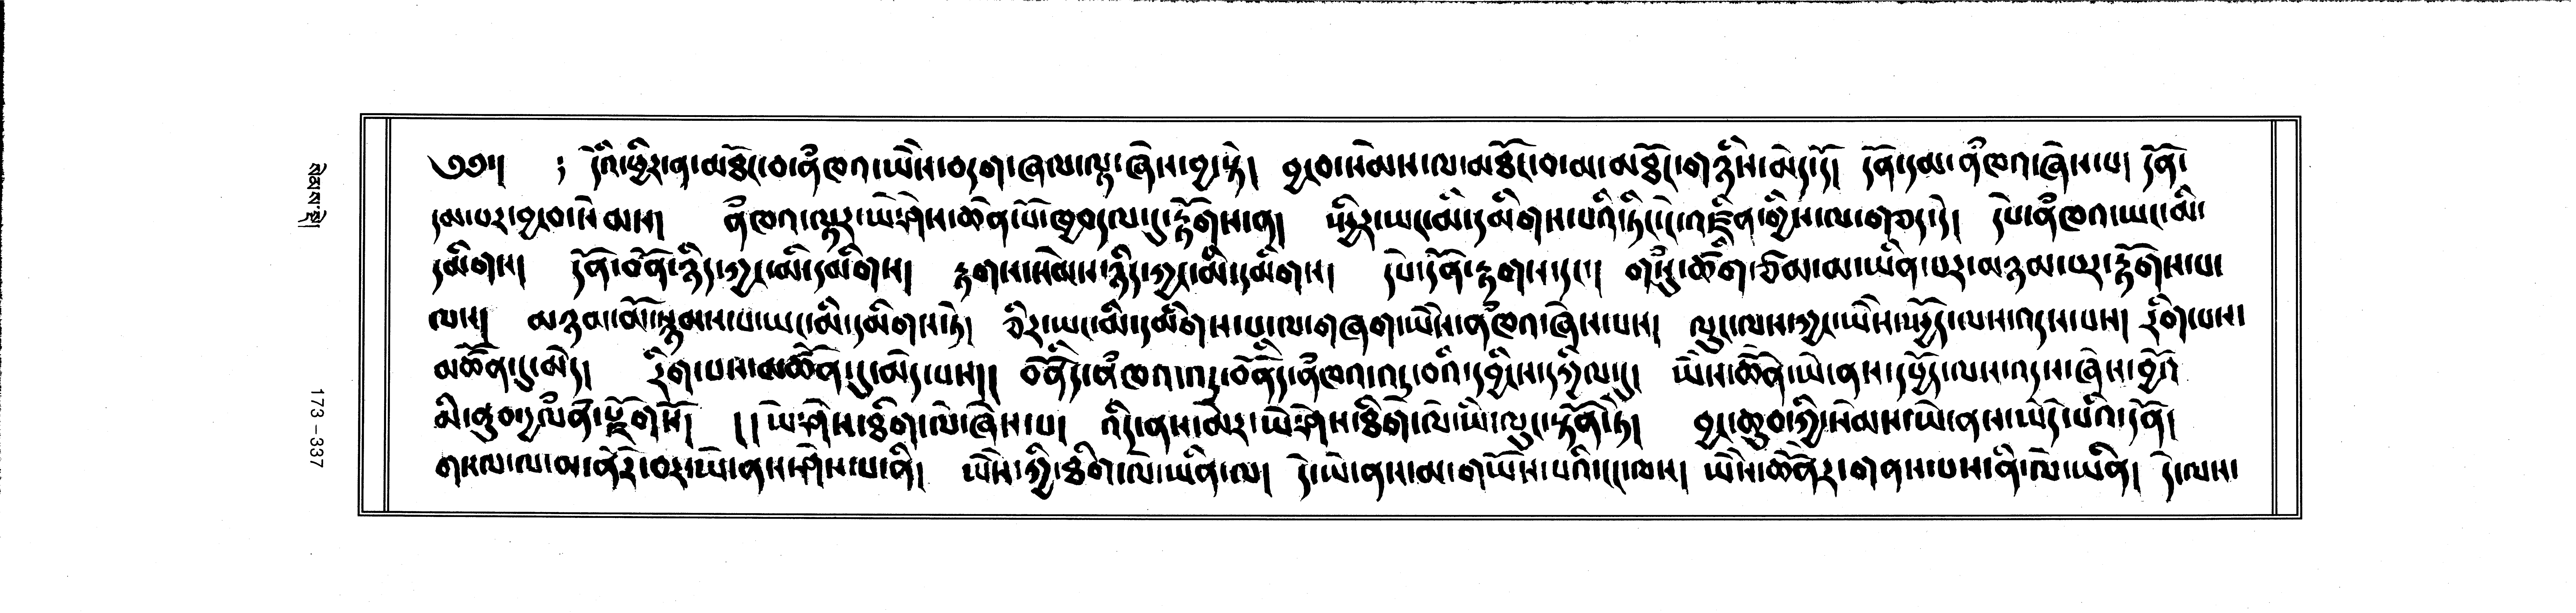དེའི་ཕྱིར་ན་མཐོང་བ་ནམ་མཁའ་ཡེ་ཤེས་བདག་ཞལ་ལྟ་ཞེས་བྱ་སྟེ། བྱང་ཆུབ་སེམས་ལ་མཐོང་བ་དང་མ་མཐོང་བ་གཉིས་མེད་དོ། །དོན་དམ་ནམ་མཁའ་ཞེས་པ། དོན་
དམ་པར་བྱང་ཆུབ་སེམས། ནམ་མཁའ་ལྟར་ཡེ་ཤེས་ཆེན་པོ་ཁྱབ་བདལ་དུ་རྟོགས་ན། ཅིར་ཡང་མི་དམིགས་པའི་ཏིང་ངེ་འཛིན་གྱིས་ལ་གཅད་དེ། དཔེ་ནམ་མཁའ་ཡང་མི་
དམིགས། དོན་བོན་ཉིད་ཀྱང་མི་དམིགས། རྟགས་སེམས་ཉིད་ཀྱང་མི་དམིགས། དཔེ་དོན་རྟགས་དང་གསུམ་ཚིག་ཙམ་མ་ཡིན་པར་མཉམ་པར་རྟོགས་པ་
ལས། མཉམ་མོ་སྙམ་པ་ཡང་མི་དམིགས་ཏེ། ཅིར་ཡང་མི་དམིགས་པ་ལ་བཞག་ཡེ་ཤེས་ནམ་མཁའ་ཞེས་པས། ལུང་ལས་ཀྱང་ཡེ་ཤེས་སྤྱོད་ལས་འདས་པས། རིག་པས་
མཚོན་དུ་མེད། རིག་པས་མཚོན་དུ་མེད་པས་བོན་ཉིད་ནམ་མཁའ་འདྲ། བོན་ཉིད་ནམ་མཁའ་འདྲ་བའི་དབྱིངས་དཀྱིལ་དུ། ཡེ་ཤེས་ཆེན་པོ་ཡེ་ནས་དཔྱོད་ལས་འདས་ཞེས་བྱའོ། །
མི་ནུབ་རྒྱལ་མཚན་རྫོགས་སོ།། །།ཡེ་ཤེས་ཐིག་ལེ་ཞེས་པ། འདི་ནས་མར་ཡེ་ཤེས་ཐིག་ལེ་ཡི་ལུང་སྟོན་ཏེ། བྱང་ཆུབ་ཀྱི་སེམས་ཡེ་ནས་ཡོད་པའི་དོན། 
གསལ་ལ་མ་ནོར་བར་ཡེ་ནས་ཤེས་པ་ནི། ཡེ་ཤེས་ཀྱི་ཐིག་ལེ་ཡིན་ལ། དེ་ཡེ་ནས་མ་གཡོས་པའི་ངང་༼ཐིག༽ལས། ཡེ་ཤེས་ཆེན་པོར་གནས་པས་ལེ་ཡིན། དེ་ལས་